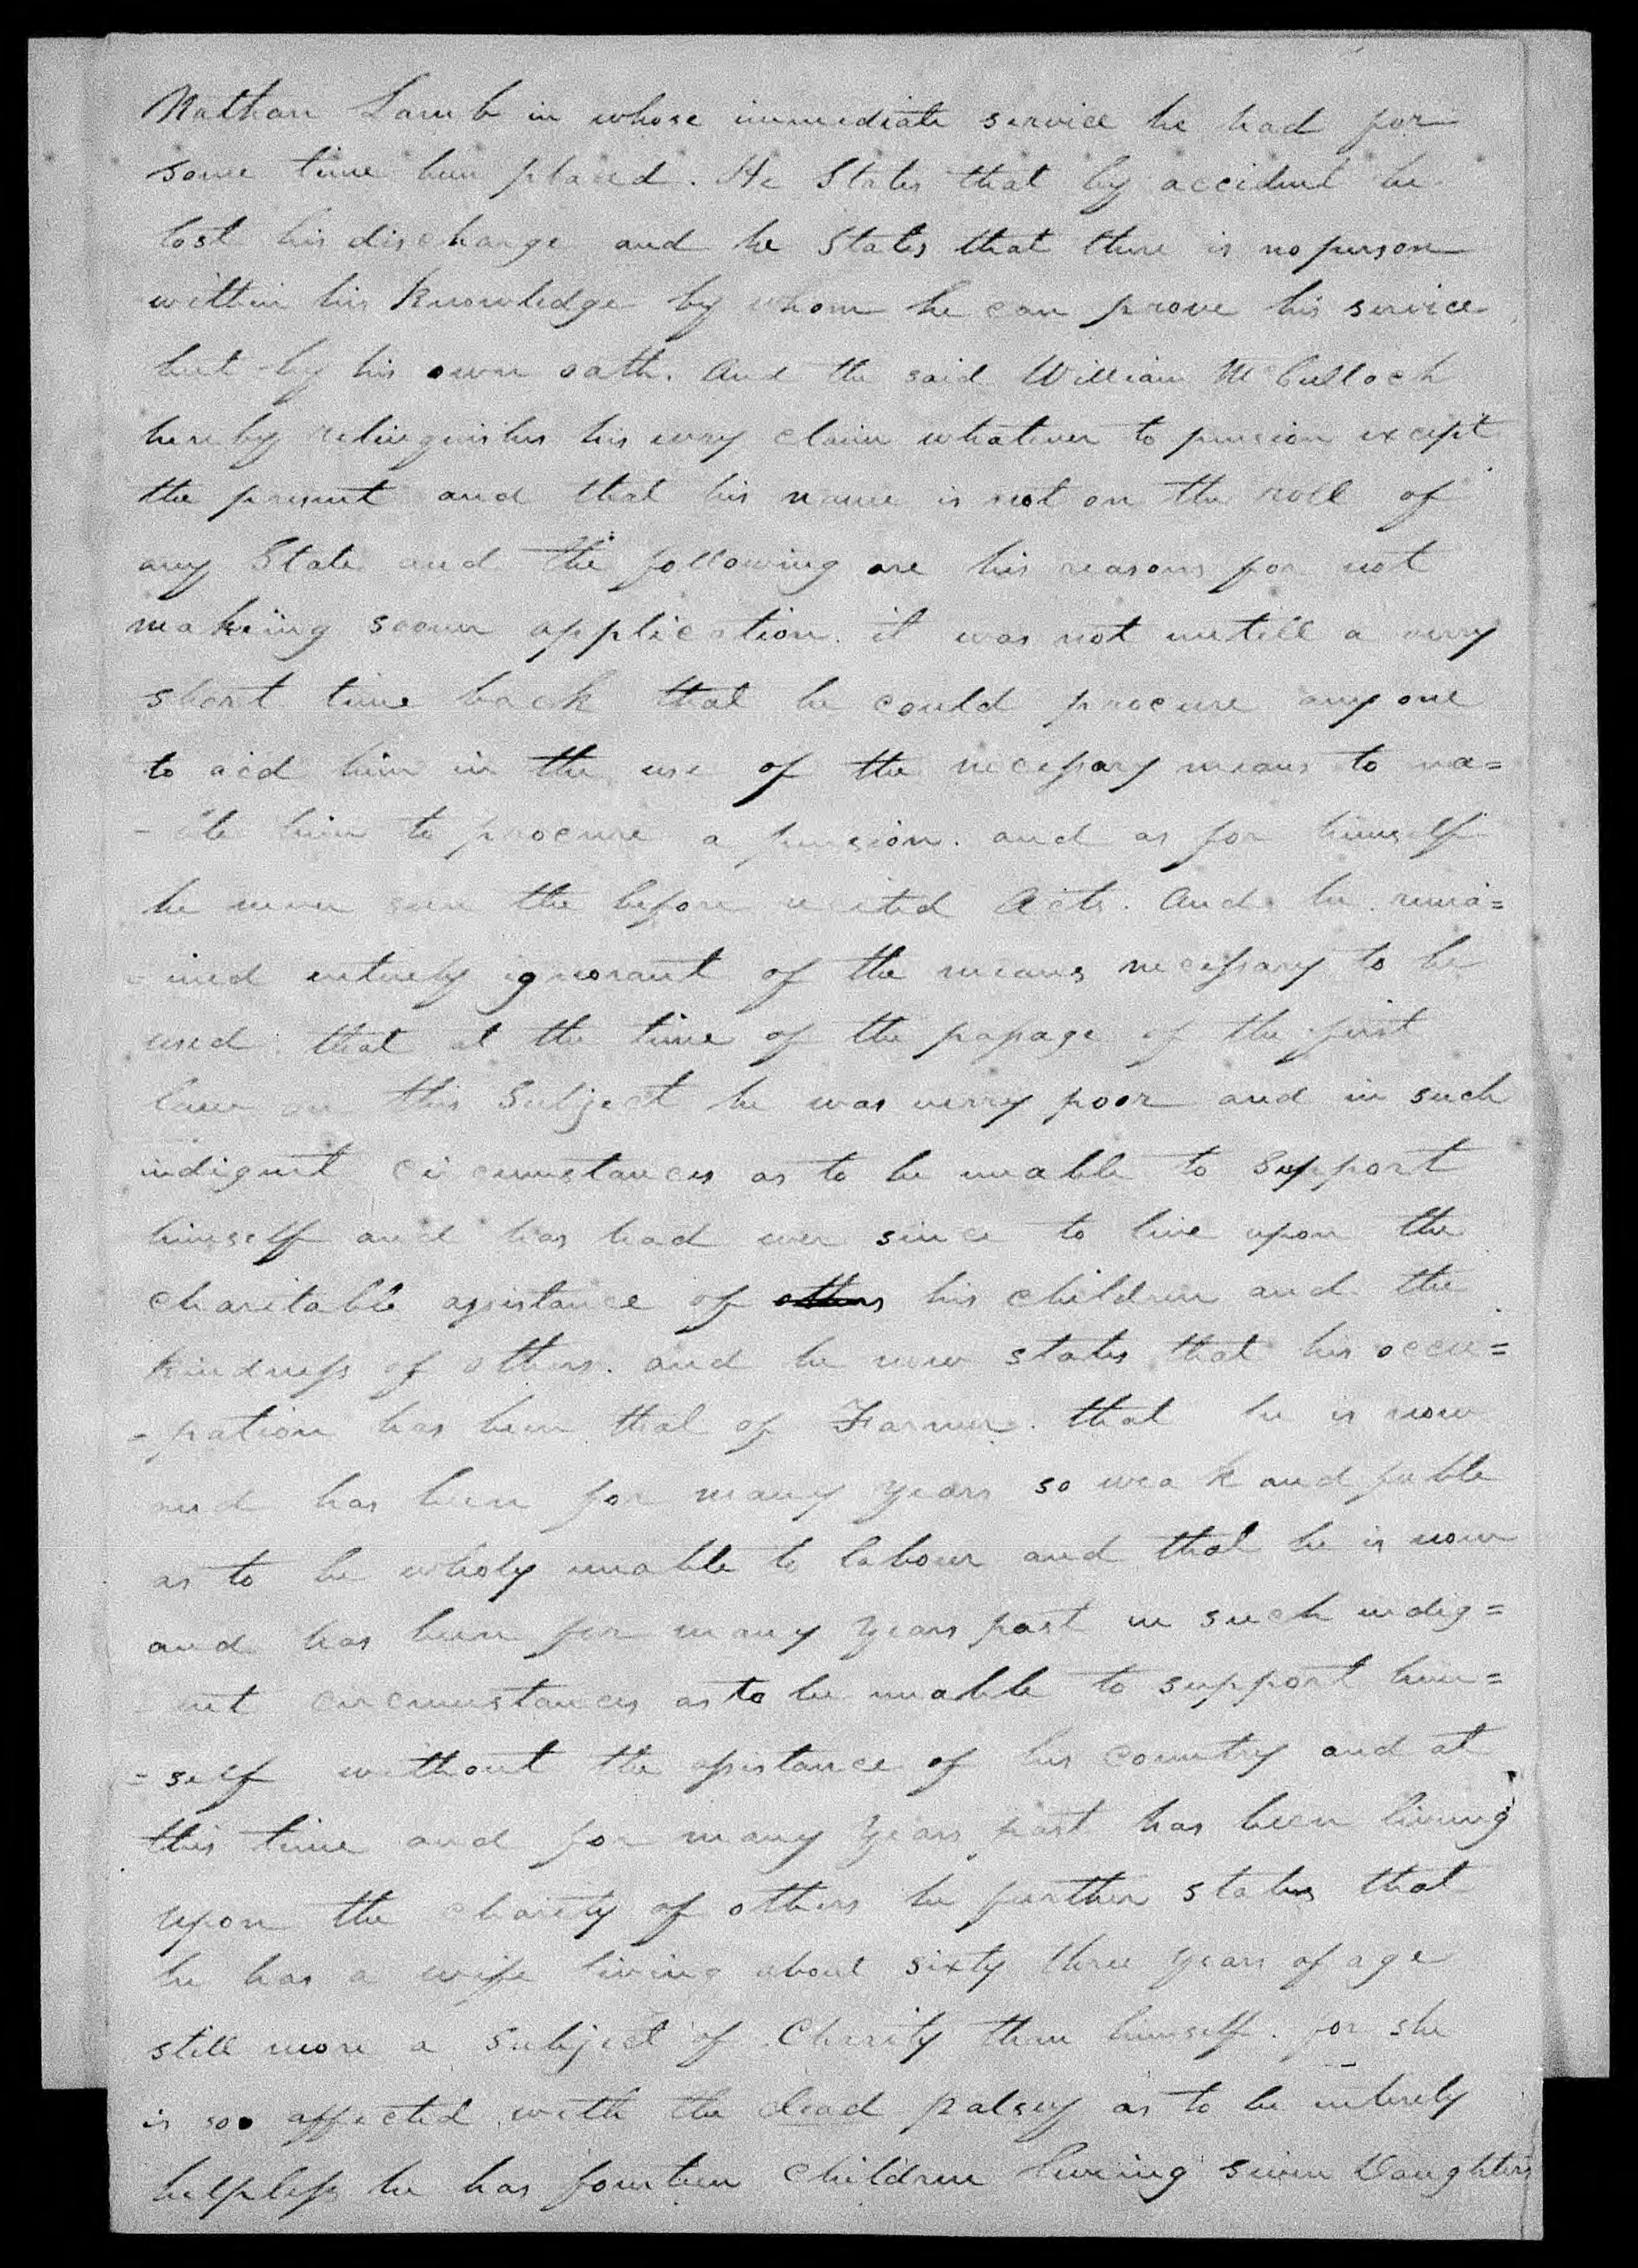Nathan Lamb in whose immediate service he had for some time been placed.  He states that by accident he lost his discharge and he states that there is no person within his knowledge by whom he can prove his service but by his own oath.  And the said William McCulloch hereby relinquishes every claim whatever to a pension except the present and that his name is not on the roll of any State and the following are his reasons for not making sooner application, it was not until a very short time back that he could procure anyone to aid him in the use of the necessary means to enable him to procure a pension, and as for himself he never saw that before recited Acts.  And he remained entirely ignorant of the means 
necessary to be and that at the time of the passage of the first law on this Subject he was very poor and in such indigent circumstances as to be unable to support himself and has had ever since to live upon the charitable assistance of his children and the kindness of others and he now states that his occupation has been that of Farmer.  That he is now and has been for many years so weak and feeble as to be wholly unable to labor and that he is now and has been for many years past in such indigent circumstances as to be unable to support himself without the assistance of his country and at this time and for many years past has been living upon the charity of others he further states that he has a wife living about sixty-three years of age still more a subject of Charity than himself for she is so afflicted with the dead policy as to be entirely useless he has fourteen children living seven Daughters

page: 5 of 9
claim: survivor's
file: S. 38,936, for William Mc Culloch, Virginia